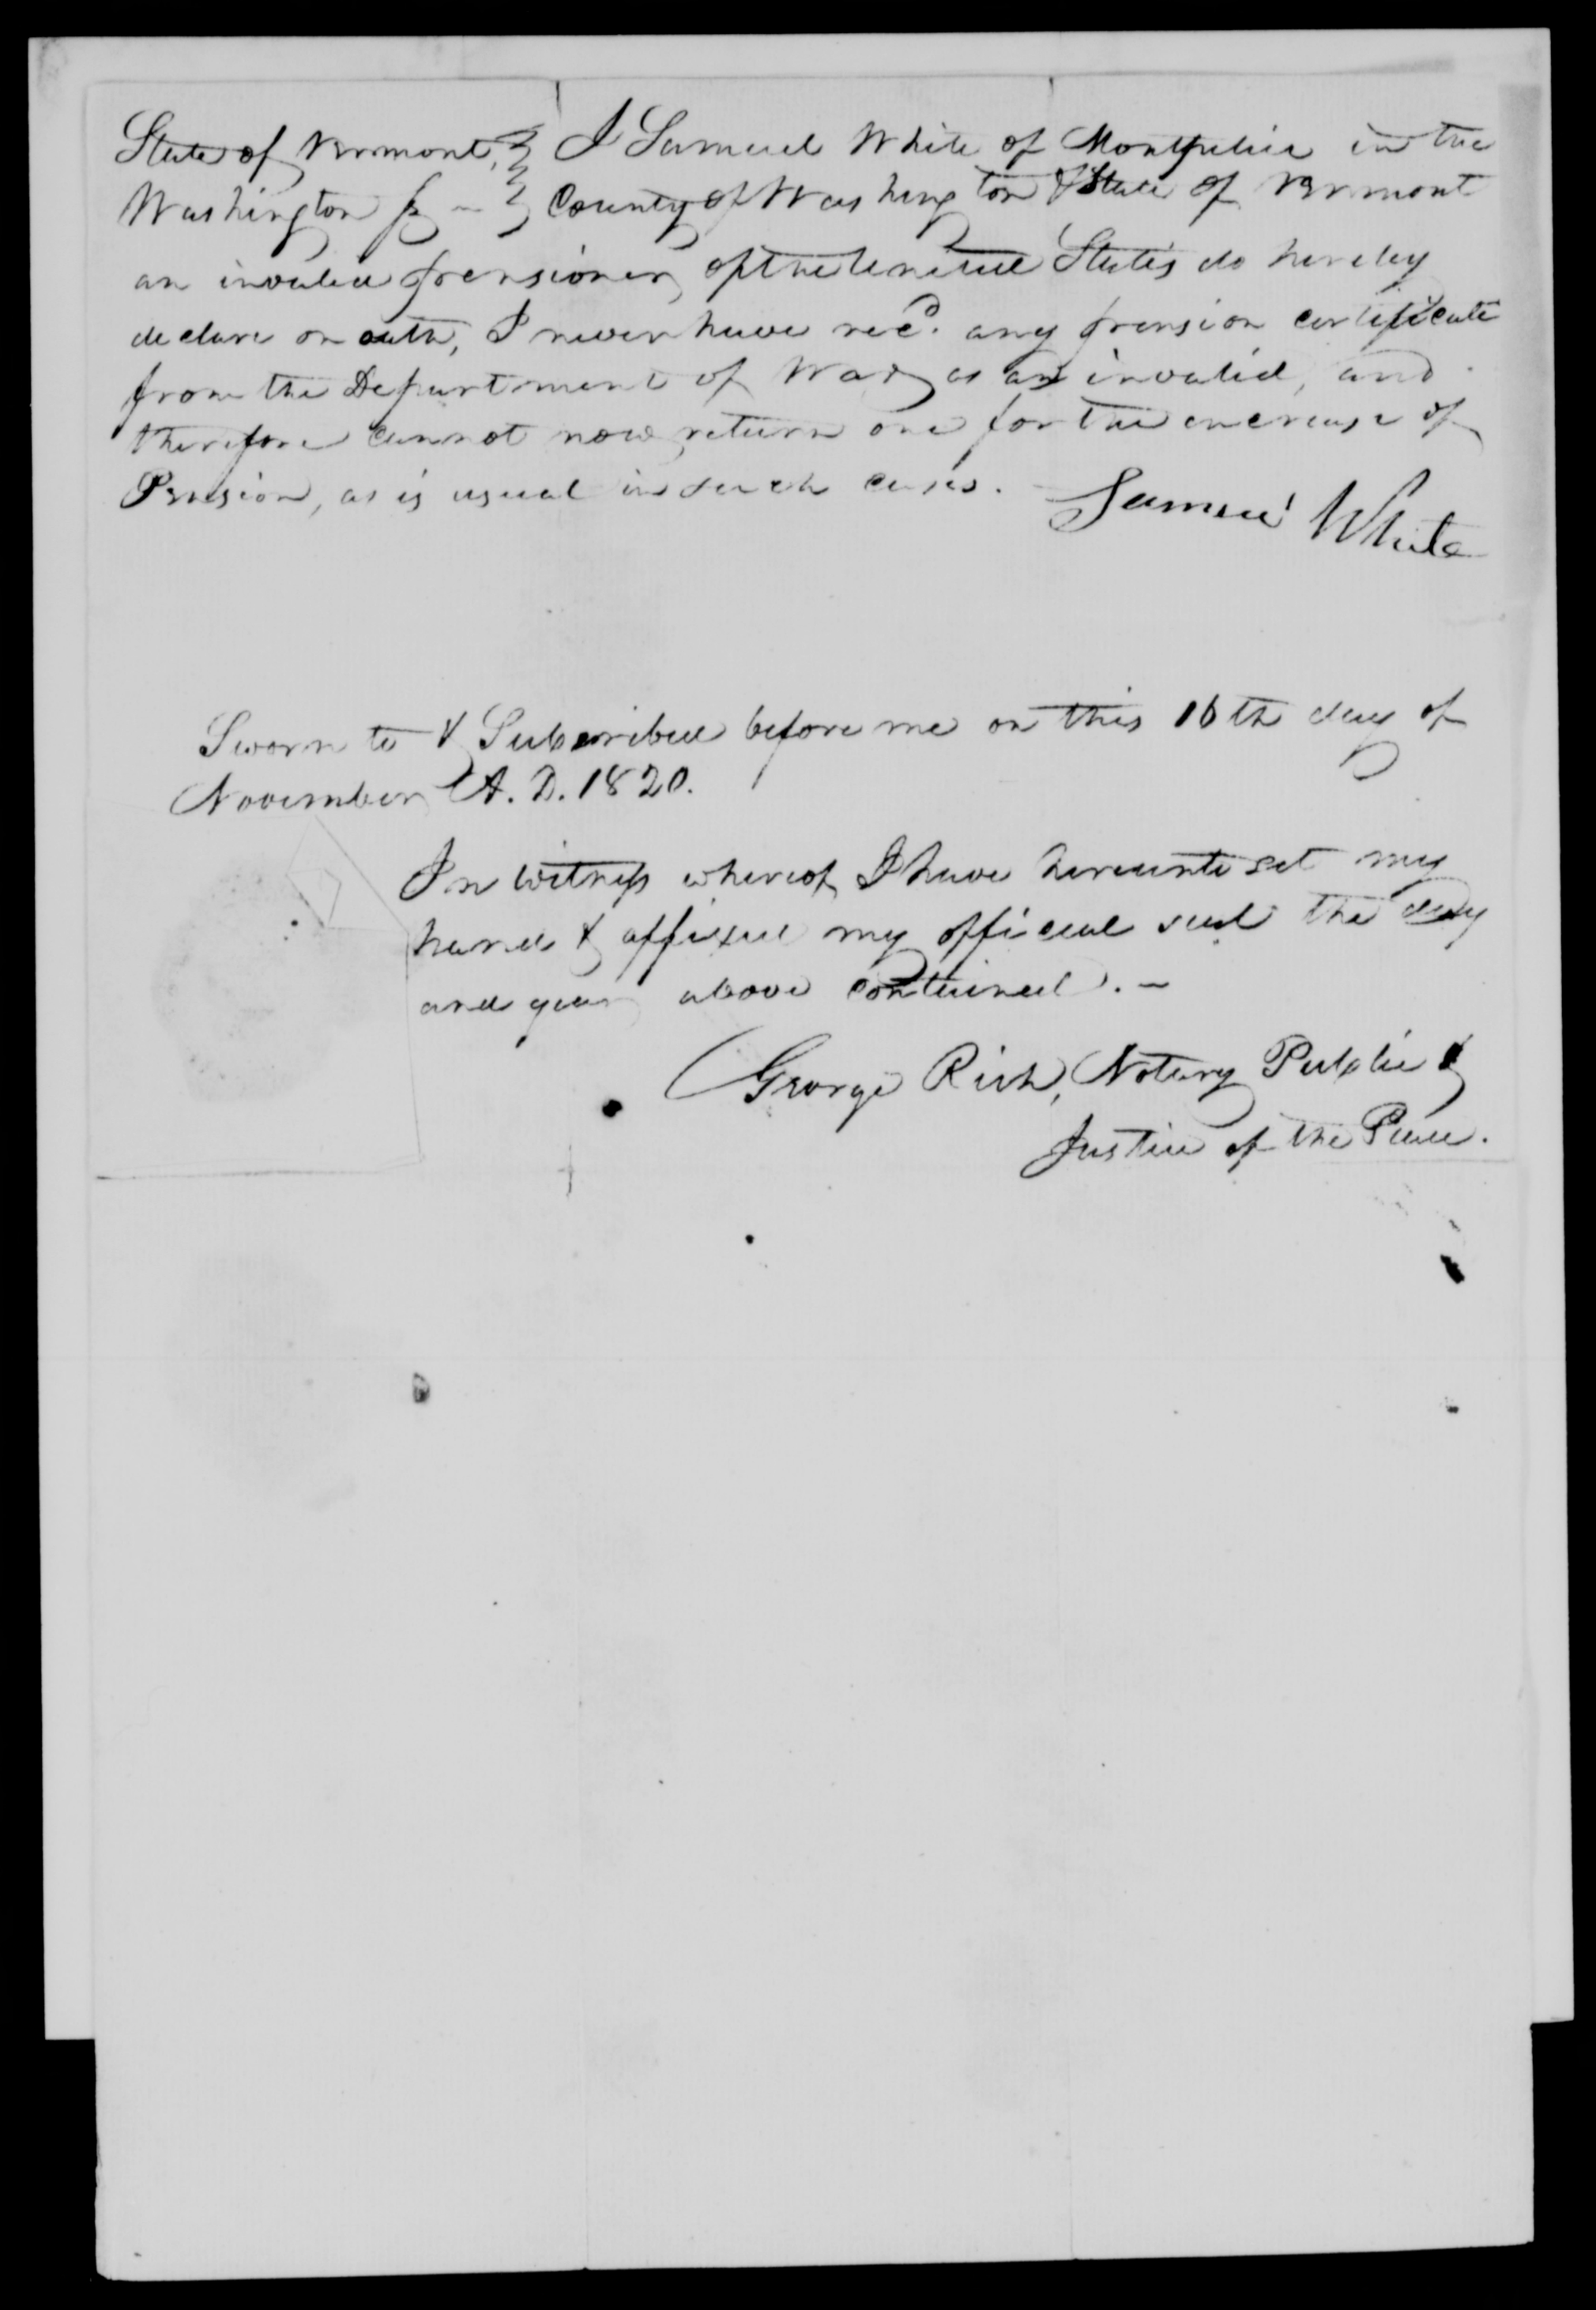State of Vermont
Washington SS
I Samuel White of Montpelier in the county of Washington & State of Vermont an invalid pensioner of the United States do hereby declare on oath I never have rec'd any pension certificate from the Department of War as an invalid and therefore cannot now return one for the increase of pension as is usual in such cases.
Samuel White

Sworn to & subscribed before me on this 16th day of November A. D. 1820
In witness whereof I have hereunto set my hand & affixed my official seal the day and year above contained.
George Rich, Notary Public & Justice of the Peace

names: George Rich, Samuel White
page: 75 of 79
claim: survivor's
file: S. 11759, Samuel White, Mass.